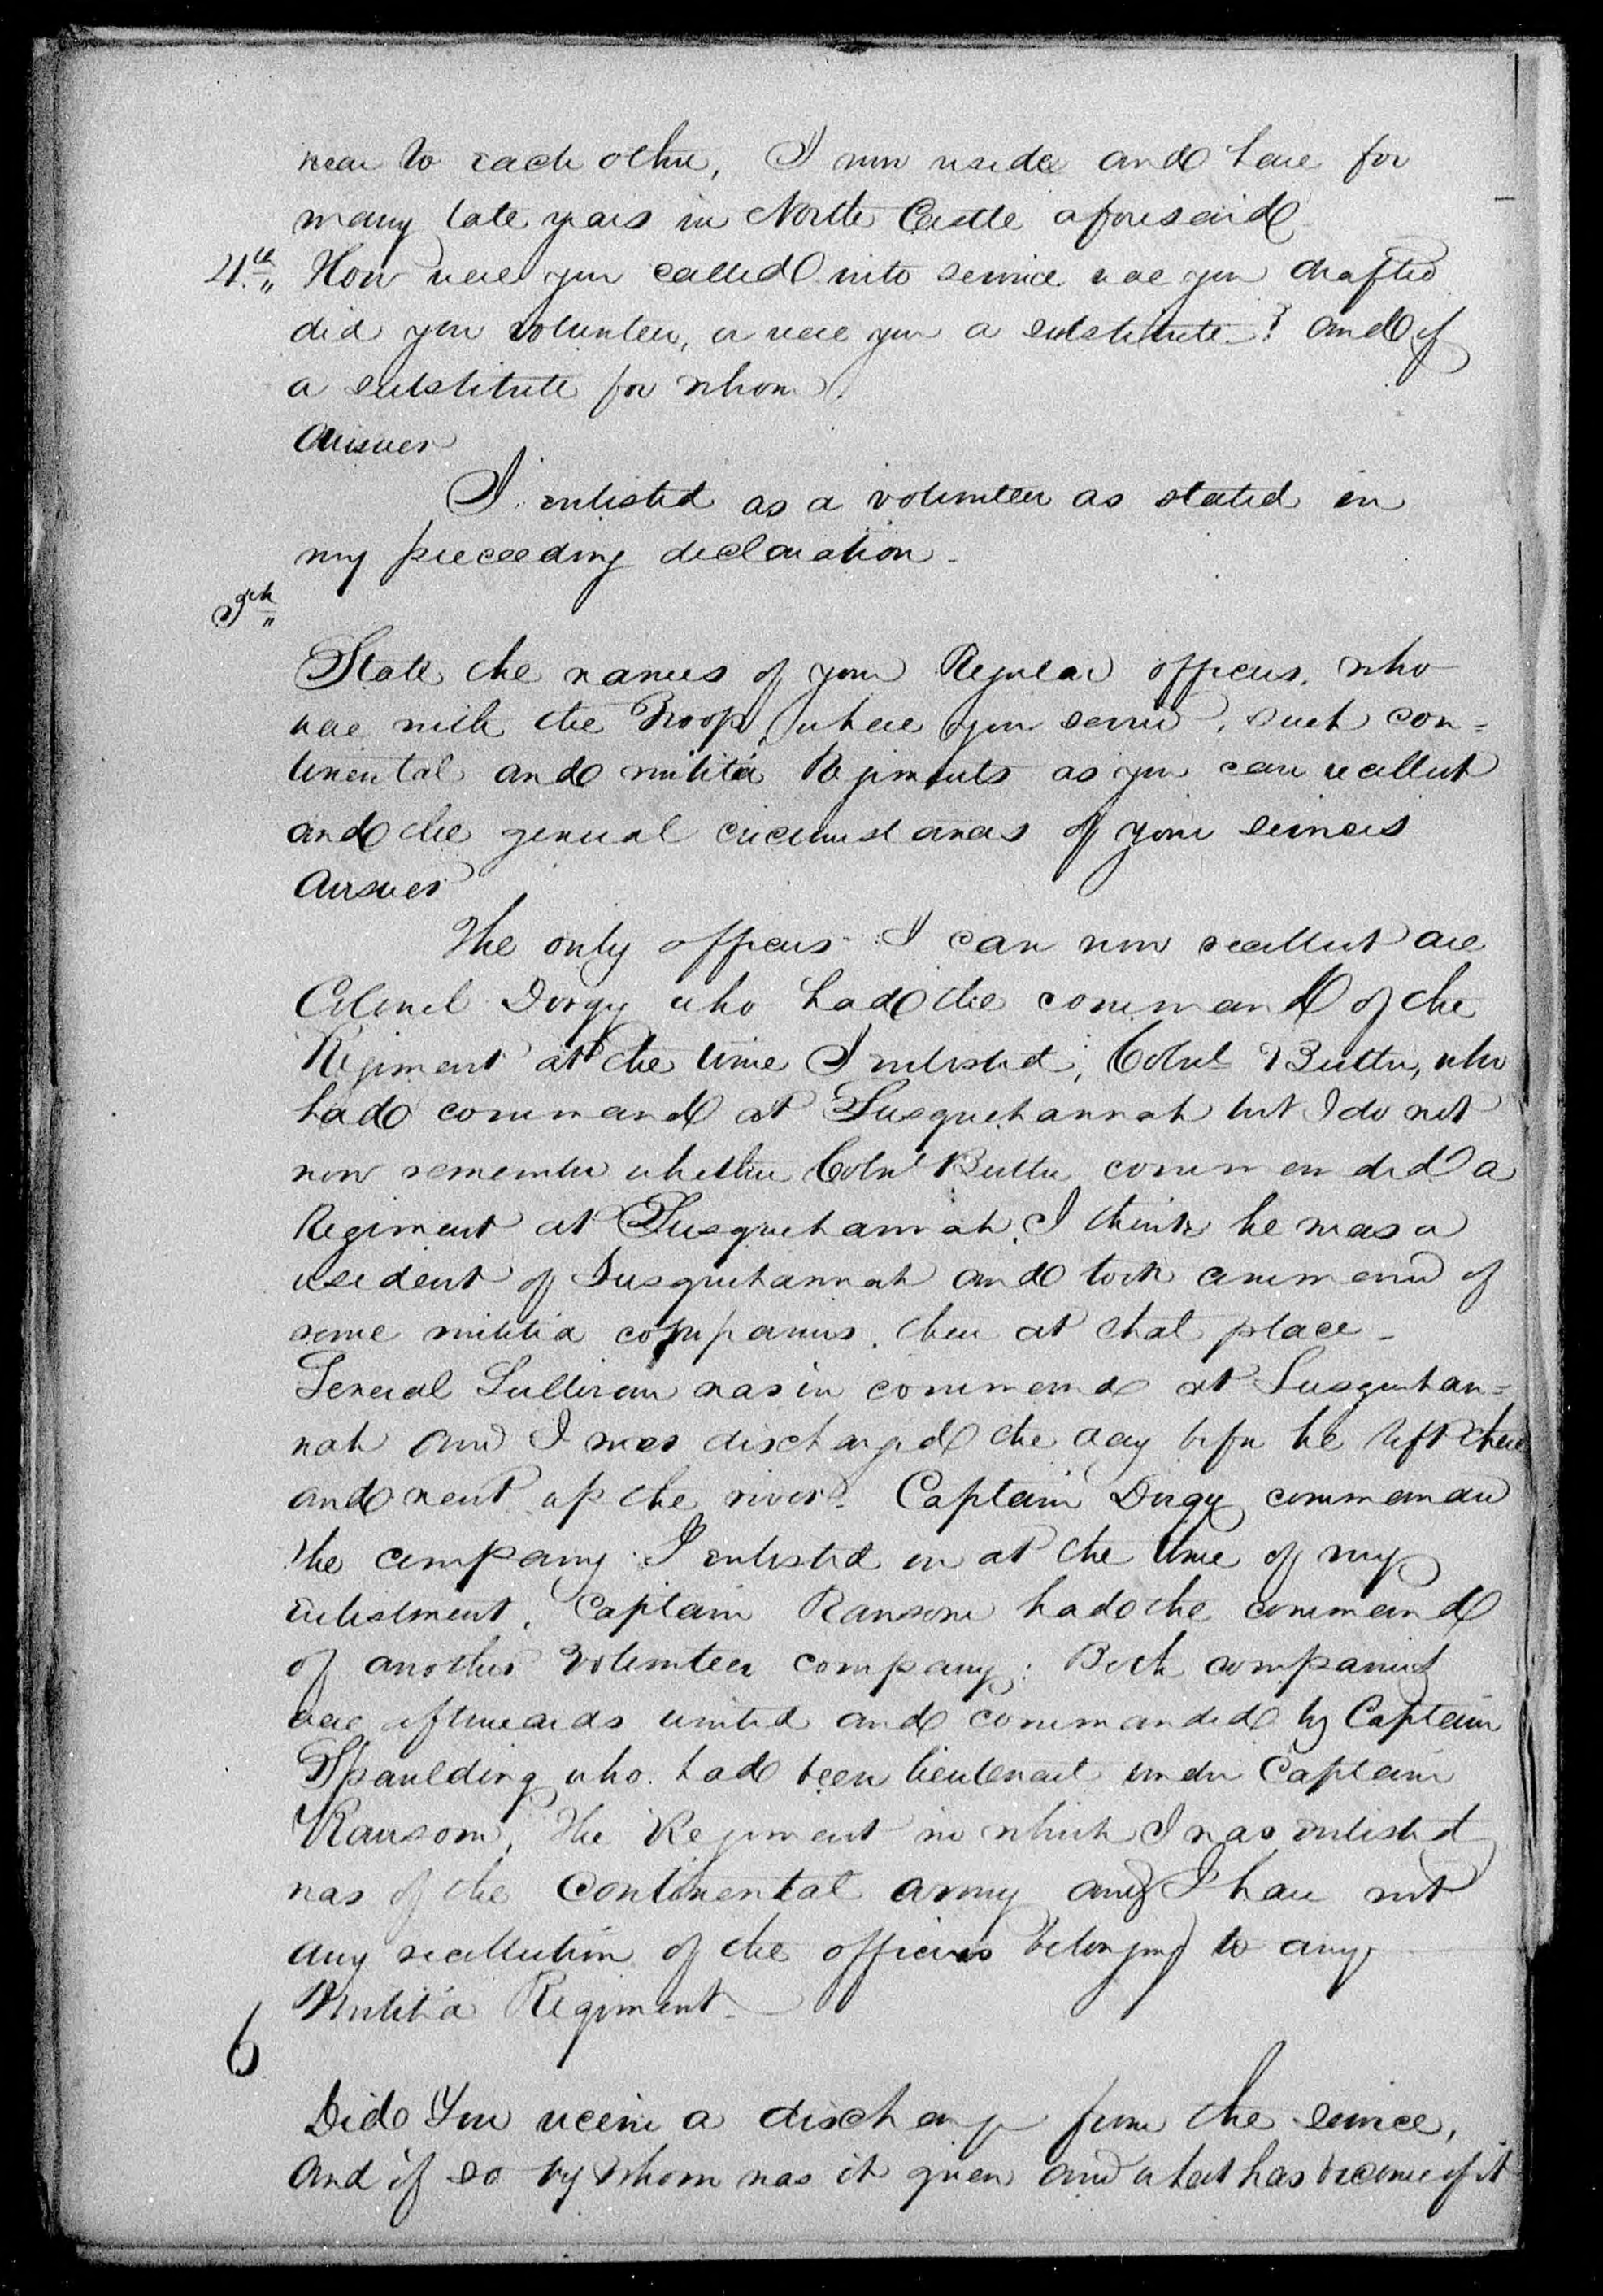near to each other. I now reside and have for many late years in North Castle aforesaid.
4th. How were you called into service were you drafted did you volunteer, or were you a substitute? And if a substitute for whom
Answer
I enlisted as a volunteer as stated in my preceding declaration.
5th State the names of your Regular officers, who were with the Troop where you served, such continental and militia Regiments as you can recollect and the general circumstances of your service
Answer
The only officers I can now recollect are Colonel Dirgy who had the command of the Regiment at the time I enlisted, Colonel Butler, who had command at Susquehanna but I do not now remember whether Coln'l. Butler commanded a Regiment at Susquehanna. I think he was a resident of Susquehanna and took command of some militia companies there at that place-General Sullivan was in command at Susquehanna and I was discharged the day before he left there and went up the river. Captain Dirgy commanded the company I enlisted in at the time of my enlistment, Captain Ransom had the command of another volunteer company. Both companies were afterwards united and commanded by Captain Spaulding who had been lieutenant under Captain Ransom. The Regiment in which I was enlisted was of the Continental army and I have not any recollection of the officers belonging to any Militia Regiment
6 Did you receive a discharge from the service, and if so by whom was it given and what has become of it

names: Ransom, Dirgy, Butler, Spaulding, Butler, Ransom, Dirgy, Sullivan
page: 12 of 57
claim: widow's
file: W. 5275 1/2, Michael Foster, Penn.